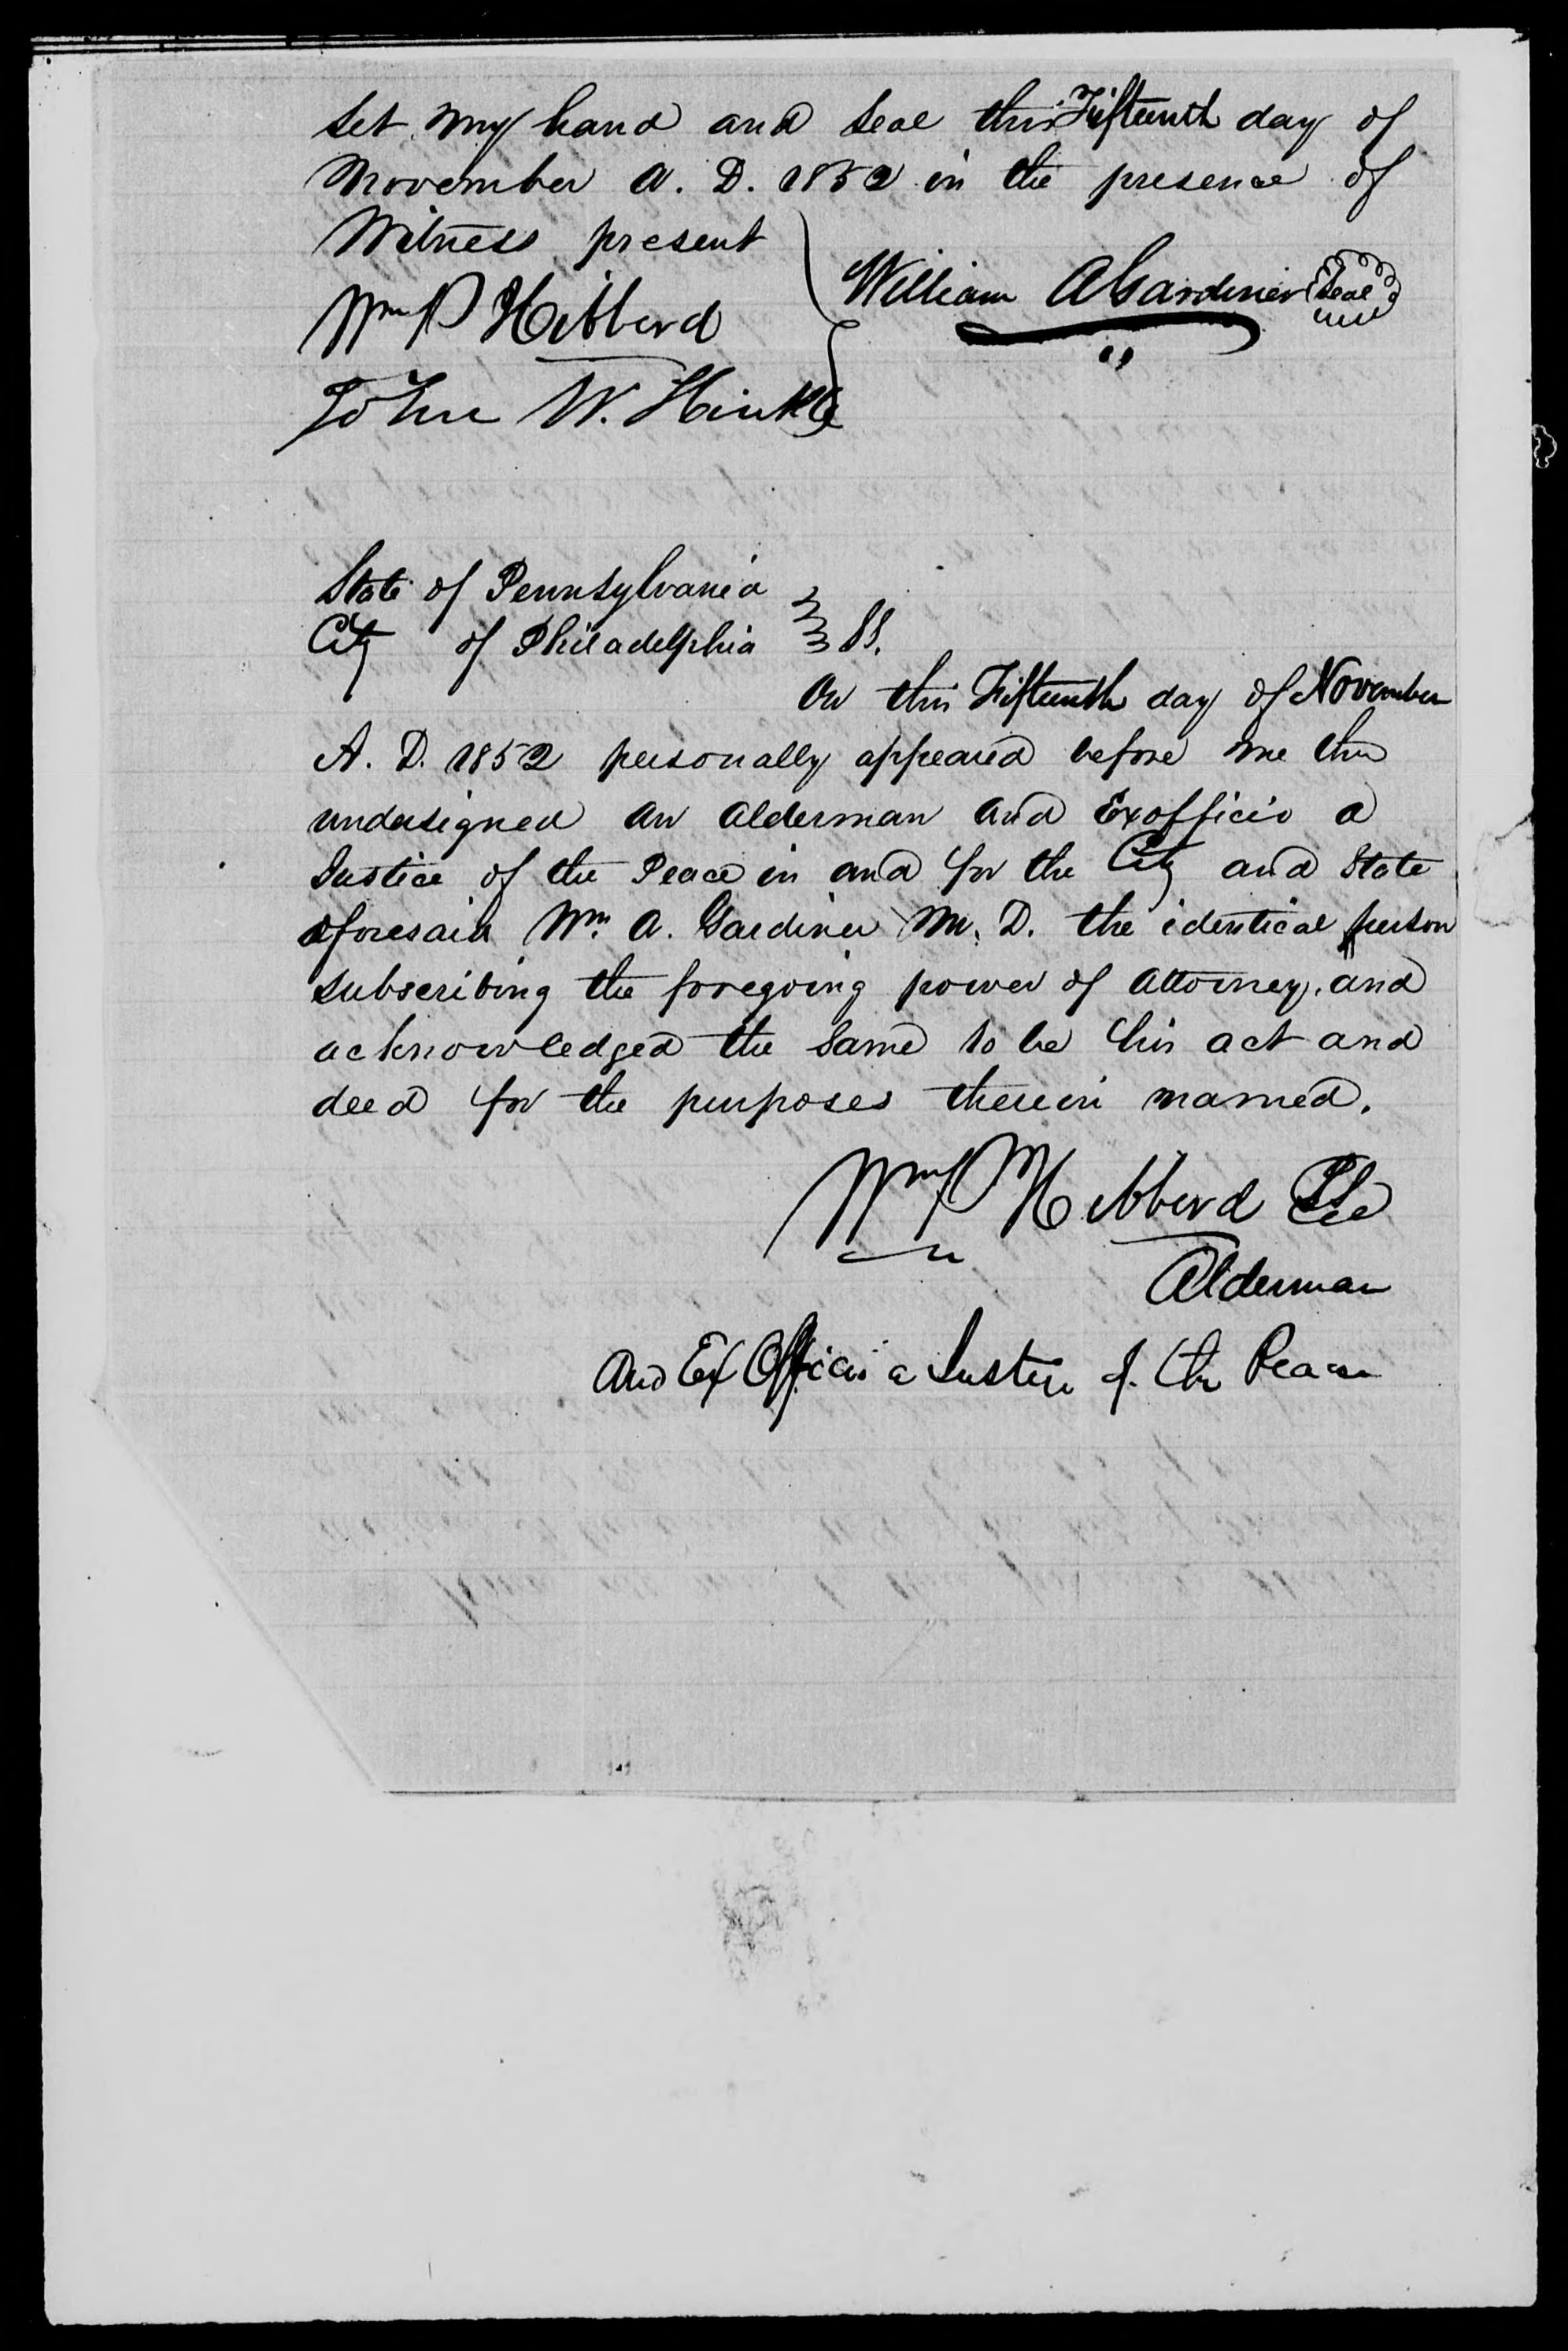set my hand and Seal this Fifteenth day of
November A.D. 1852 in the presence of
Witness present
Wm Hibbard
John W Hinkle
William Gardiner [handwritten word "Seal"]

State of Pennsylvania
City of Philidelphia
On the Fifteenth day of November
A.D. 1852 personally appeared before me the
undersigned an Alderman and Exofficio a
Justice of the Peace in and for the City and State
aforesaid Wm A. Gardiner M.D. the identical person
subscribing the foregoing power of Attorney, and
acknowledged the same to be this act and
deed for the purpose therein named
Wm Hibbard
Alderman
and Ex Officio a Justice of the Peace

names: John W Hinkle, Wm A Gardiner, Wm P Hebberd, William A Gardiner, Wm P Hibberd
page: 7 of 32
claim: rejected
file: R. 2795, Jesse Dazey, Del.